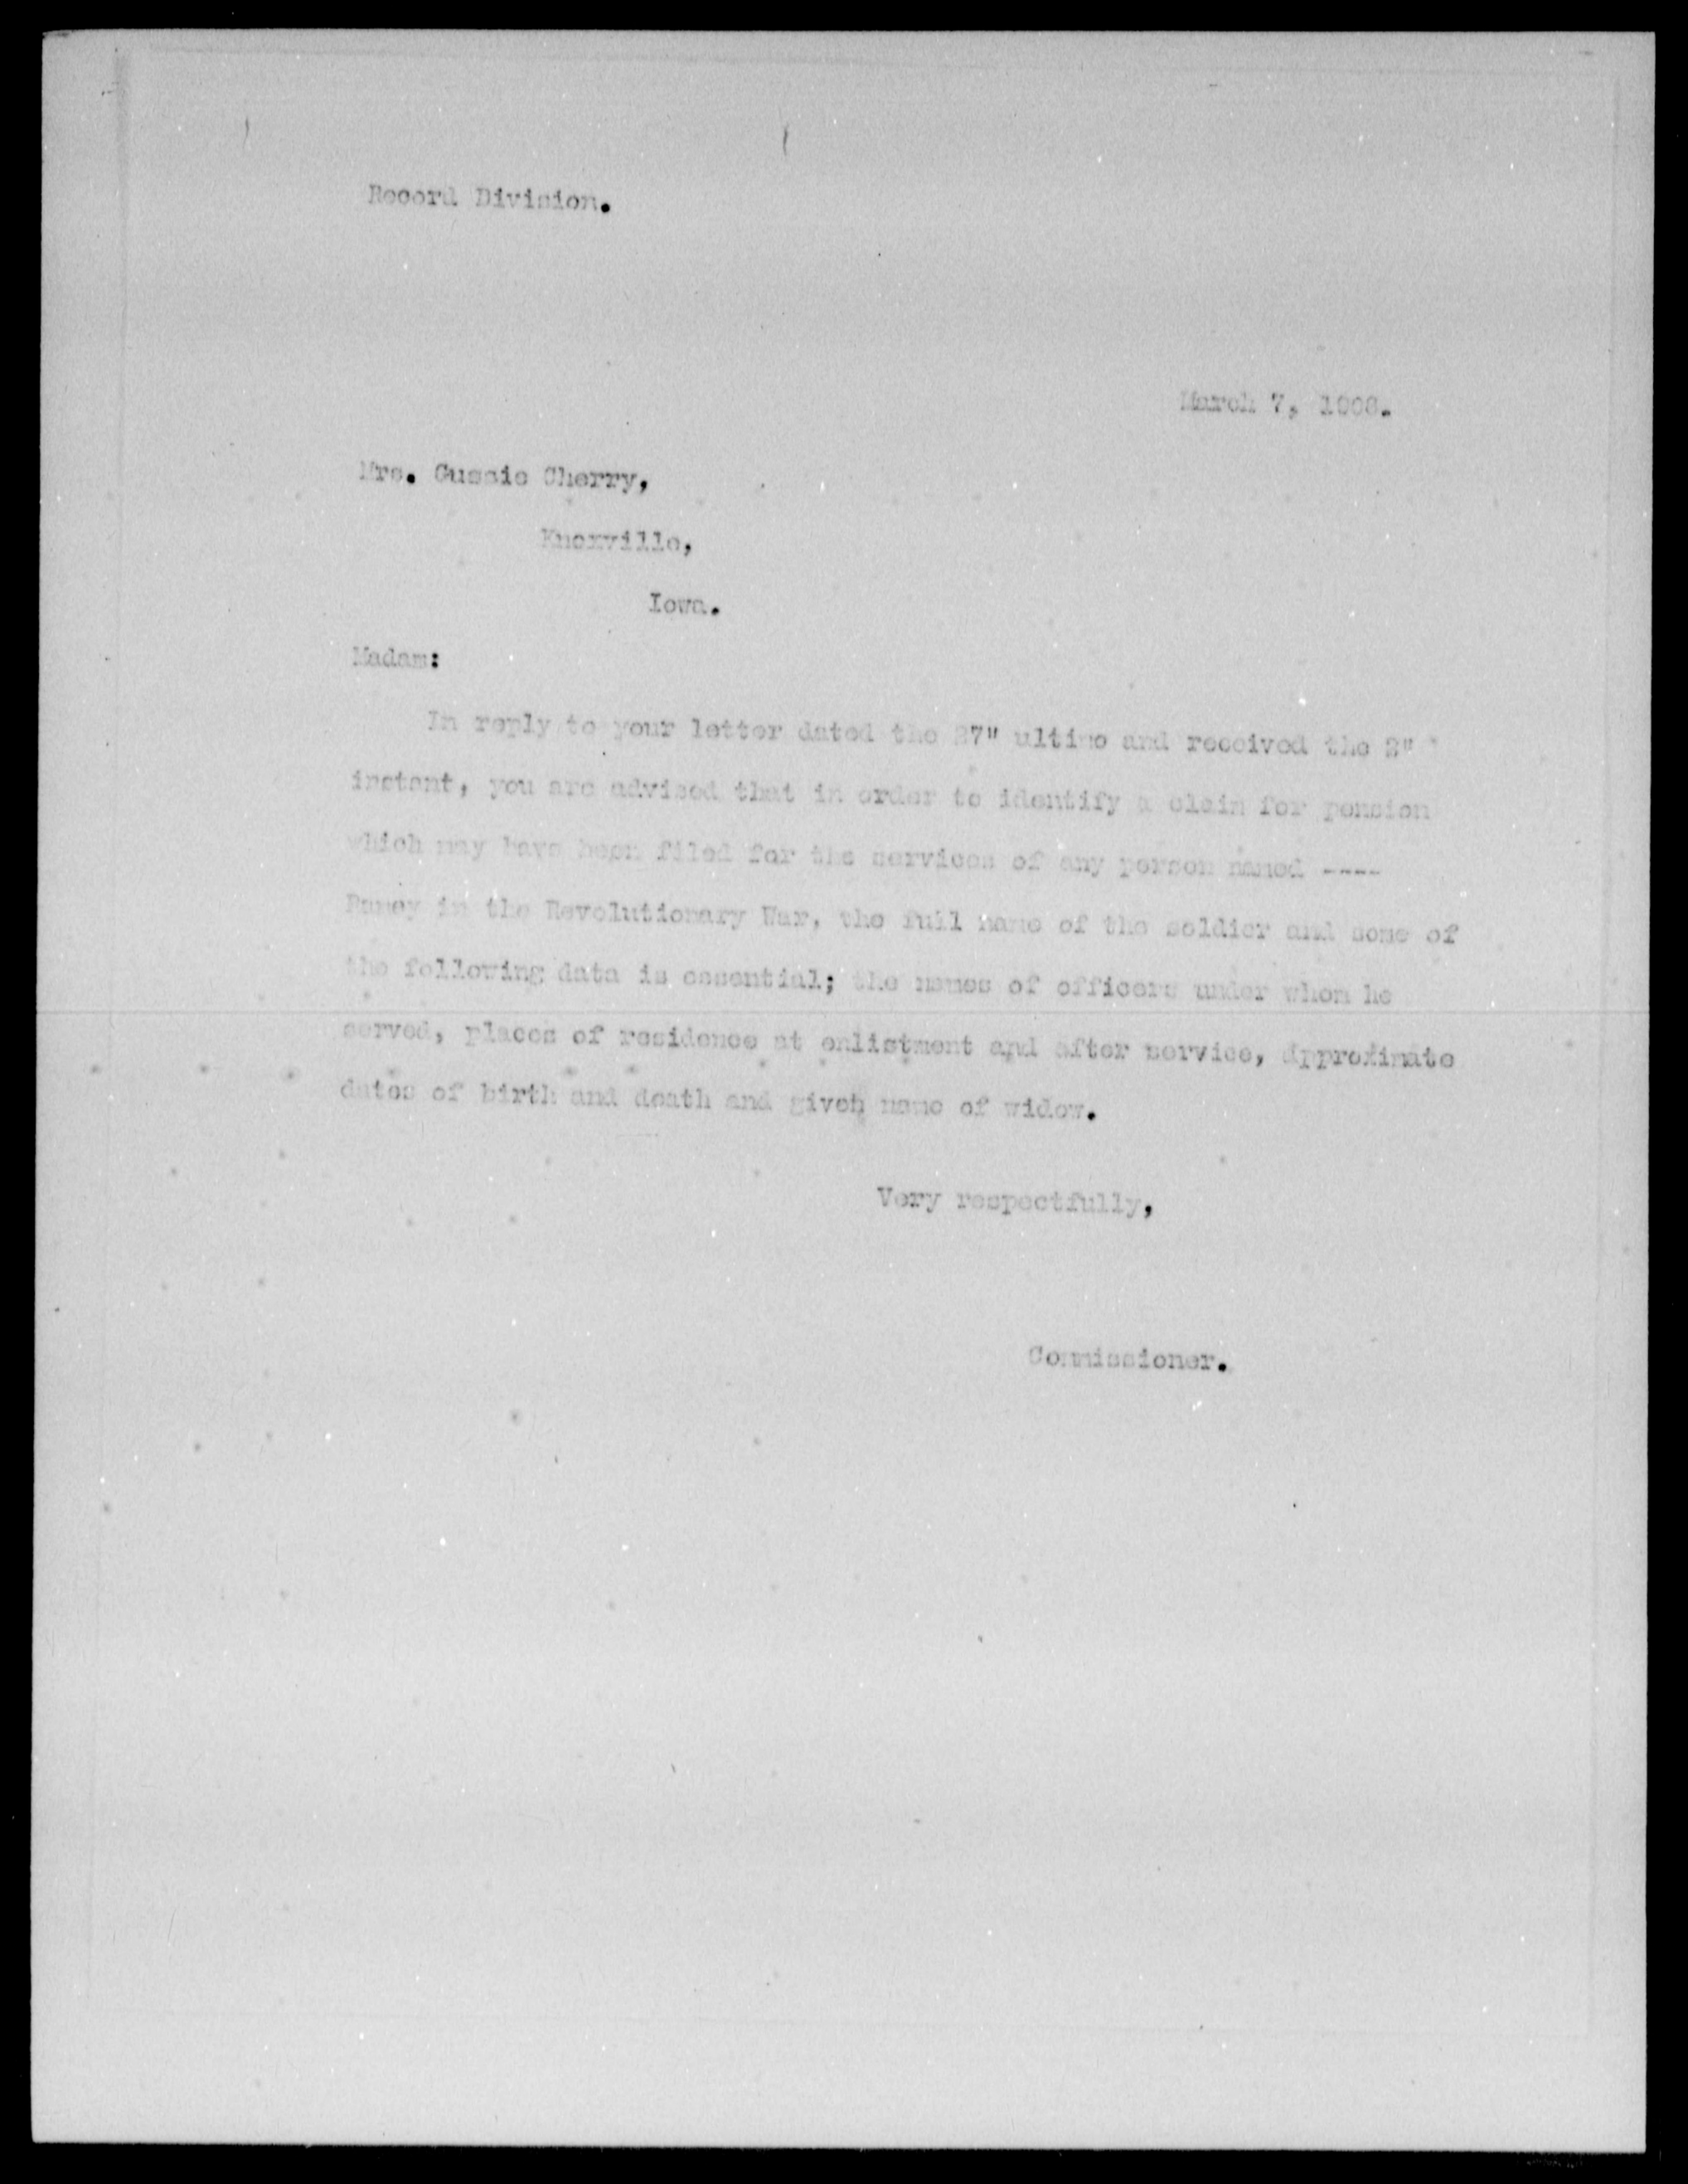Record Division.
March 7, 1908.
Mrs. Gussie Cherry,
Knoxvile,
Iowa.
Madam:
In reply to your letter dated the 27" ultimo and received the 2" instant, you are advised that in order to identify a claim for pension which may have been filed for the services of any person named ---- Ramey in the Revolutionary War, the full name of the soldier and some of the following data is essential; the names of officers under whom he served, place of residence at enlistment and after service, approximate date of birth and death and given name of widow.
Very respectfully,
Commissioner.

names: Gussie Cherry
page: 48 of 84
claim: widow's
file: W.11104, for John Remay, Virginia